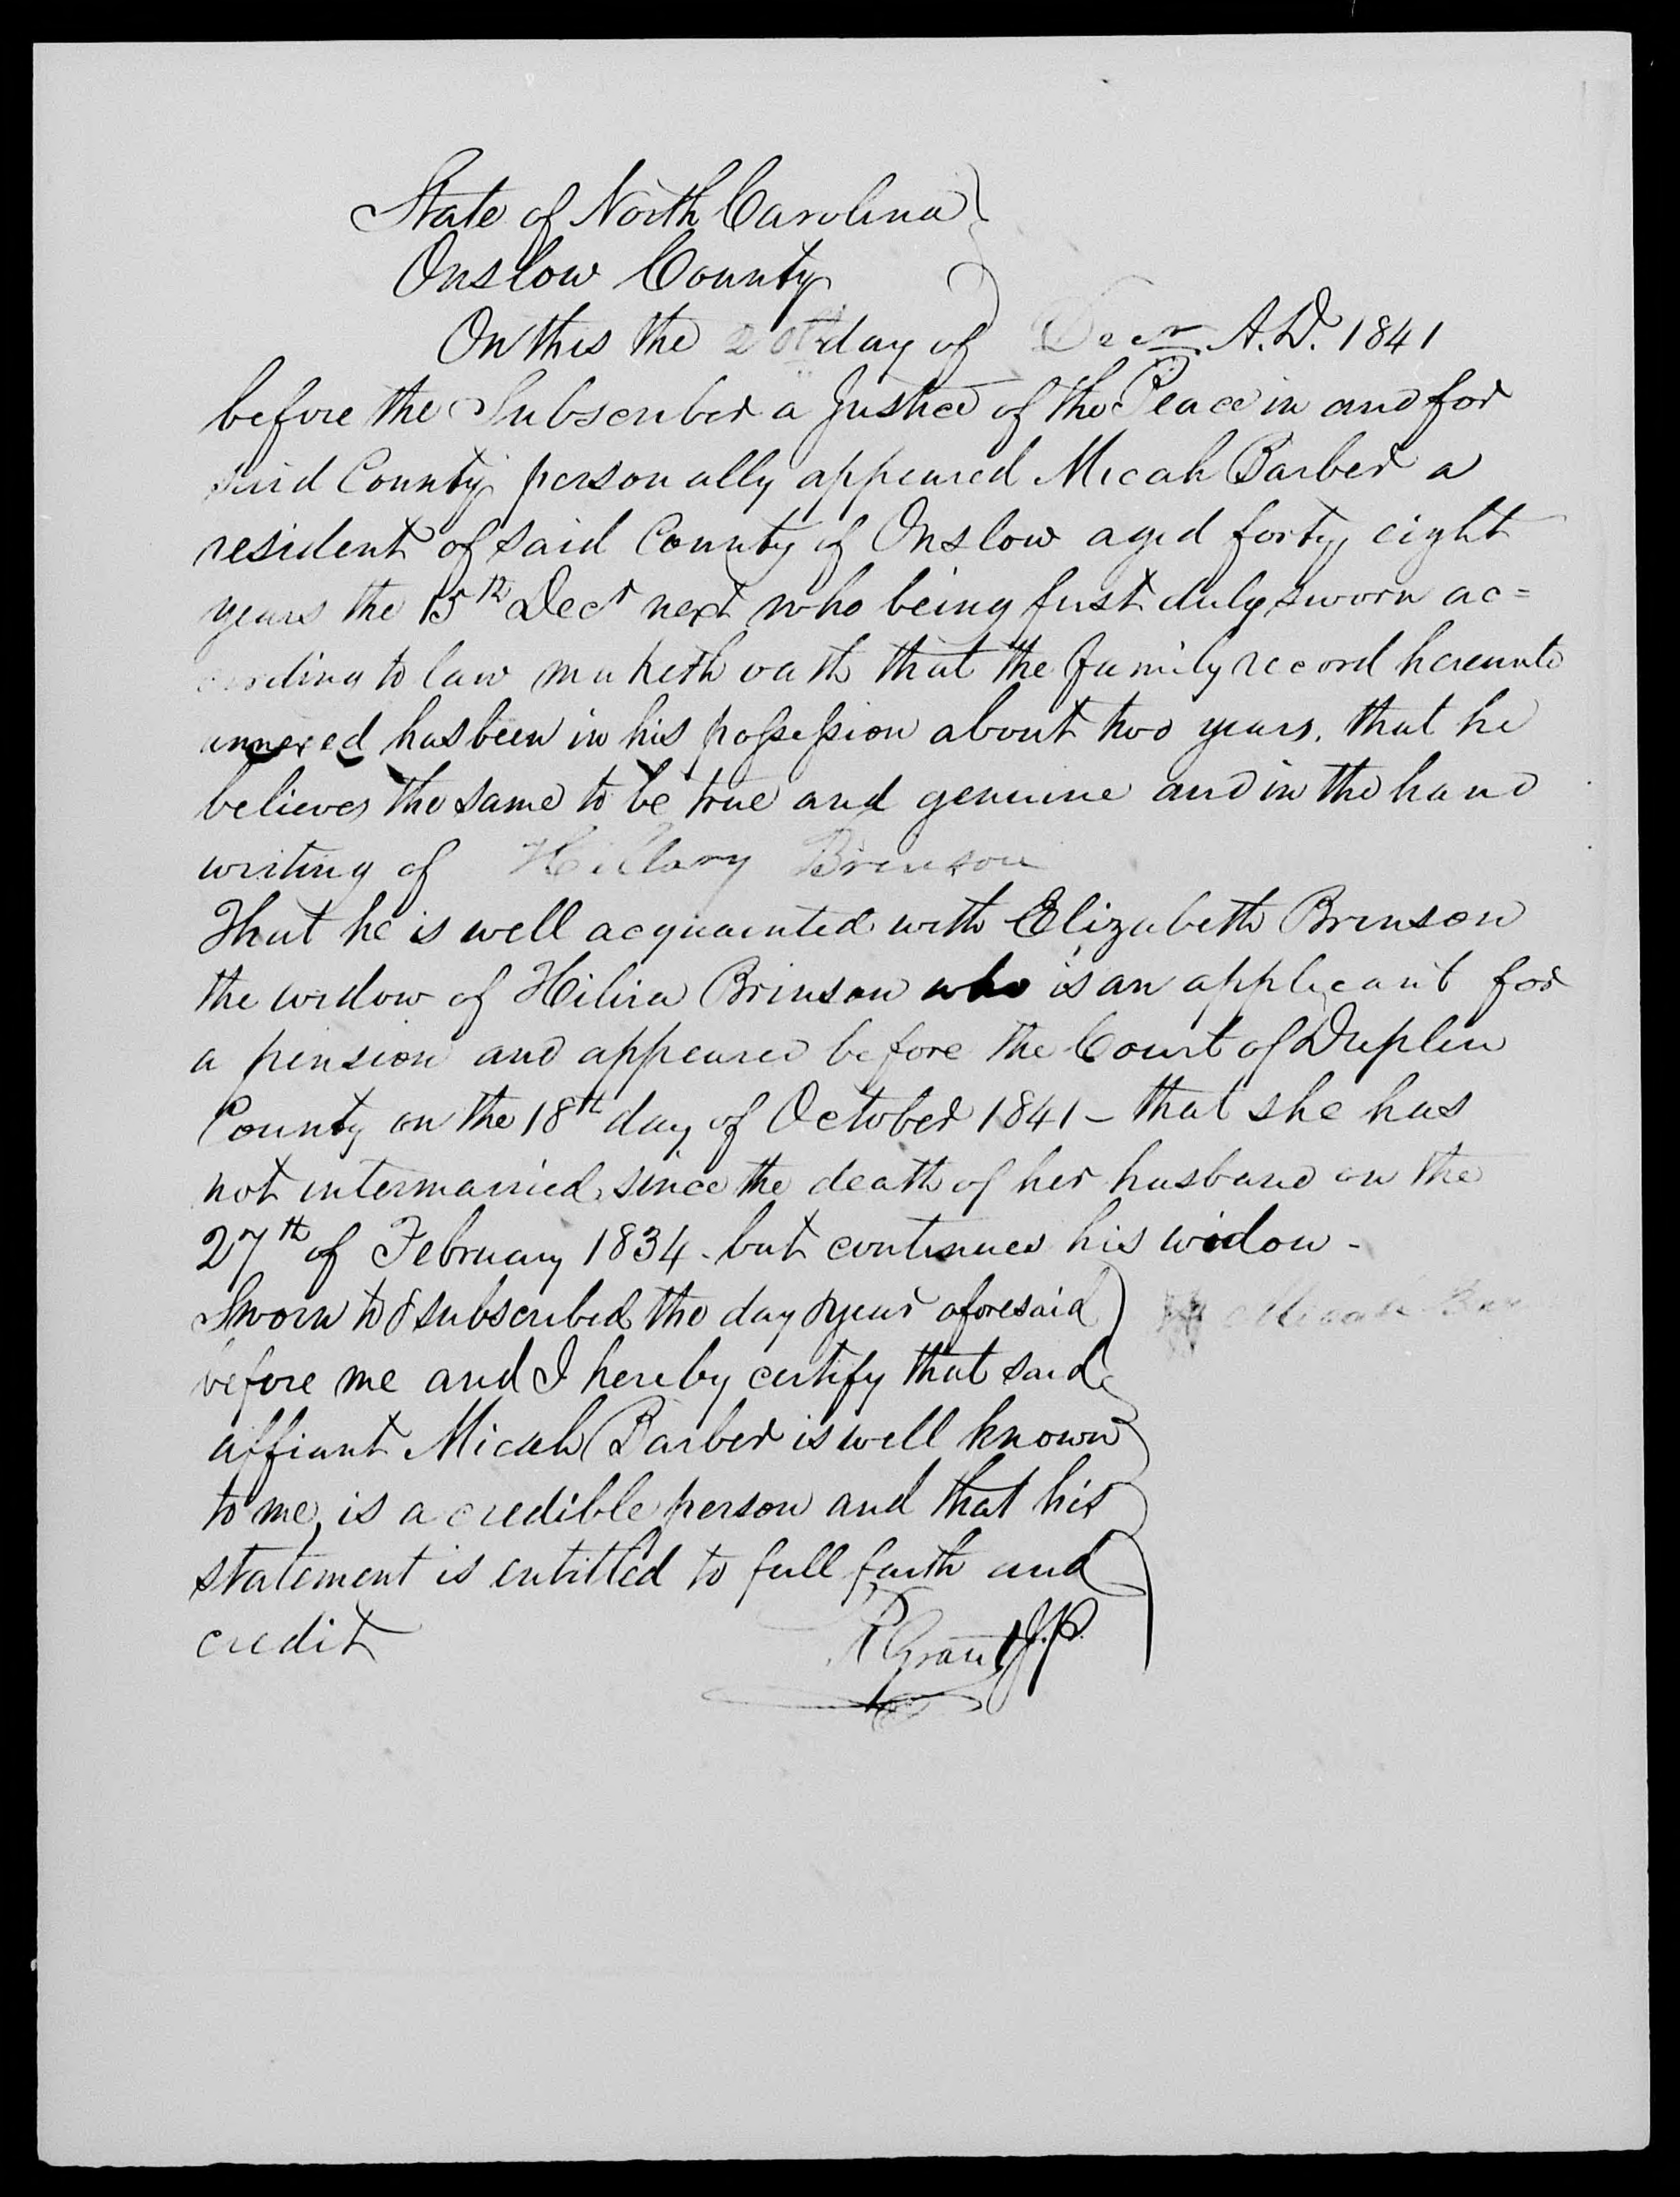State of North Carolina
Onslow County }

On this the 20th day of Decr A.D. 1841 before the subscriber a Justice of the Peace inn and for said County personally appeared Micah Barber a resident of said Count of Onslow aged forty eight years the 15th Dec next who being first duly sworn according to law maketh oath that the family record hereunto annexed has been in his possession about two years, that he believes the same to be true and genuine and in the hand writing of Hillary Brinson.
That he is well acquainted with Elizabeth Brinson the widow of Hilira Brinson who is an applicant for a pension and appeared before the court of Duplin county on the 18th day of October  1841- that she has not intermarried since the death of her husband on the 27th of February 1834 but continues his widow-  Micah Barber
Sworn to and subscribed the day and year aforesaid before me and I hereby certify that said affiant Micah Barber is well known to me, is a credible person and that his statement is entitled to full faith and credit.  R. Grant JP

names: Elizabeth Brinson, Hillary Brinson, Micah Barber, R Grant, Micah Barber, Hilira Brinson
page: 21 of 38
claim: widow's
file: W. 5231, Hilary Brinson, N.C.